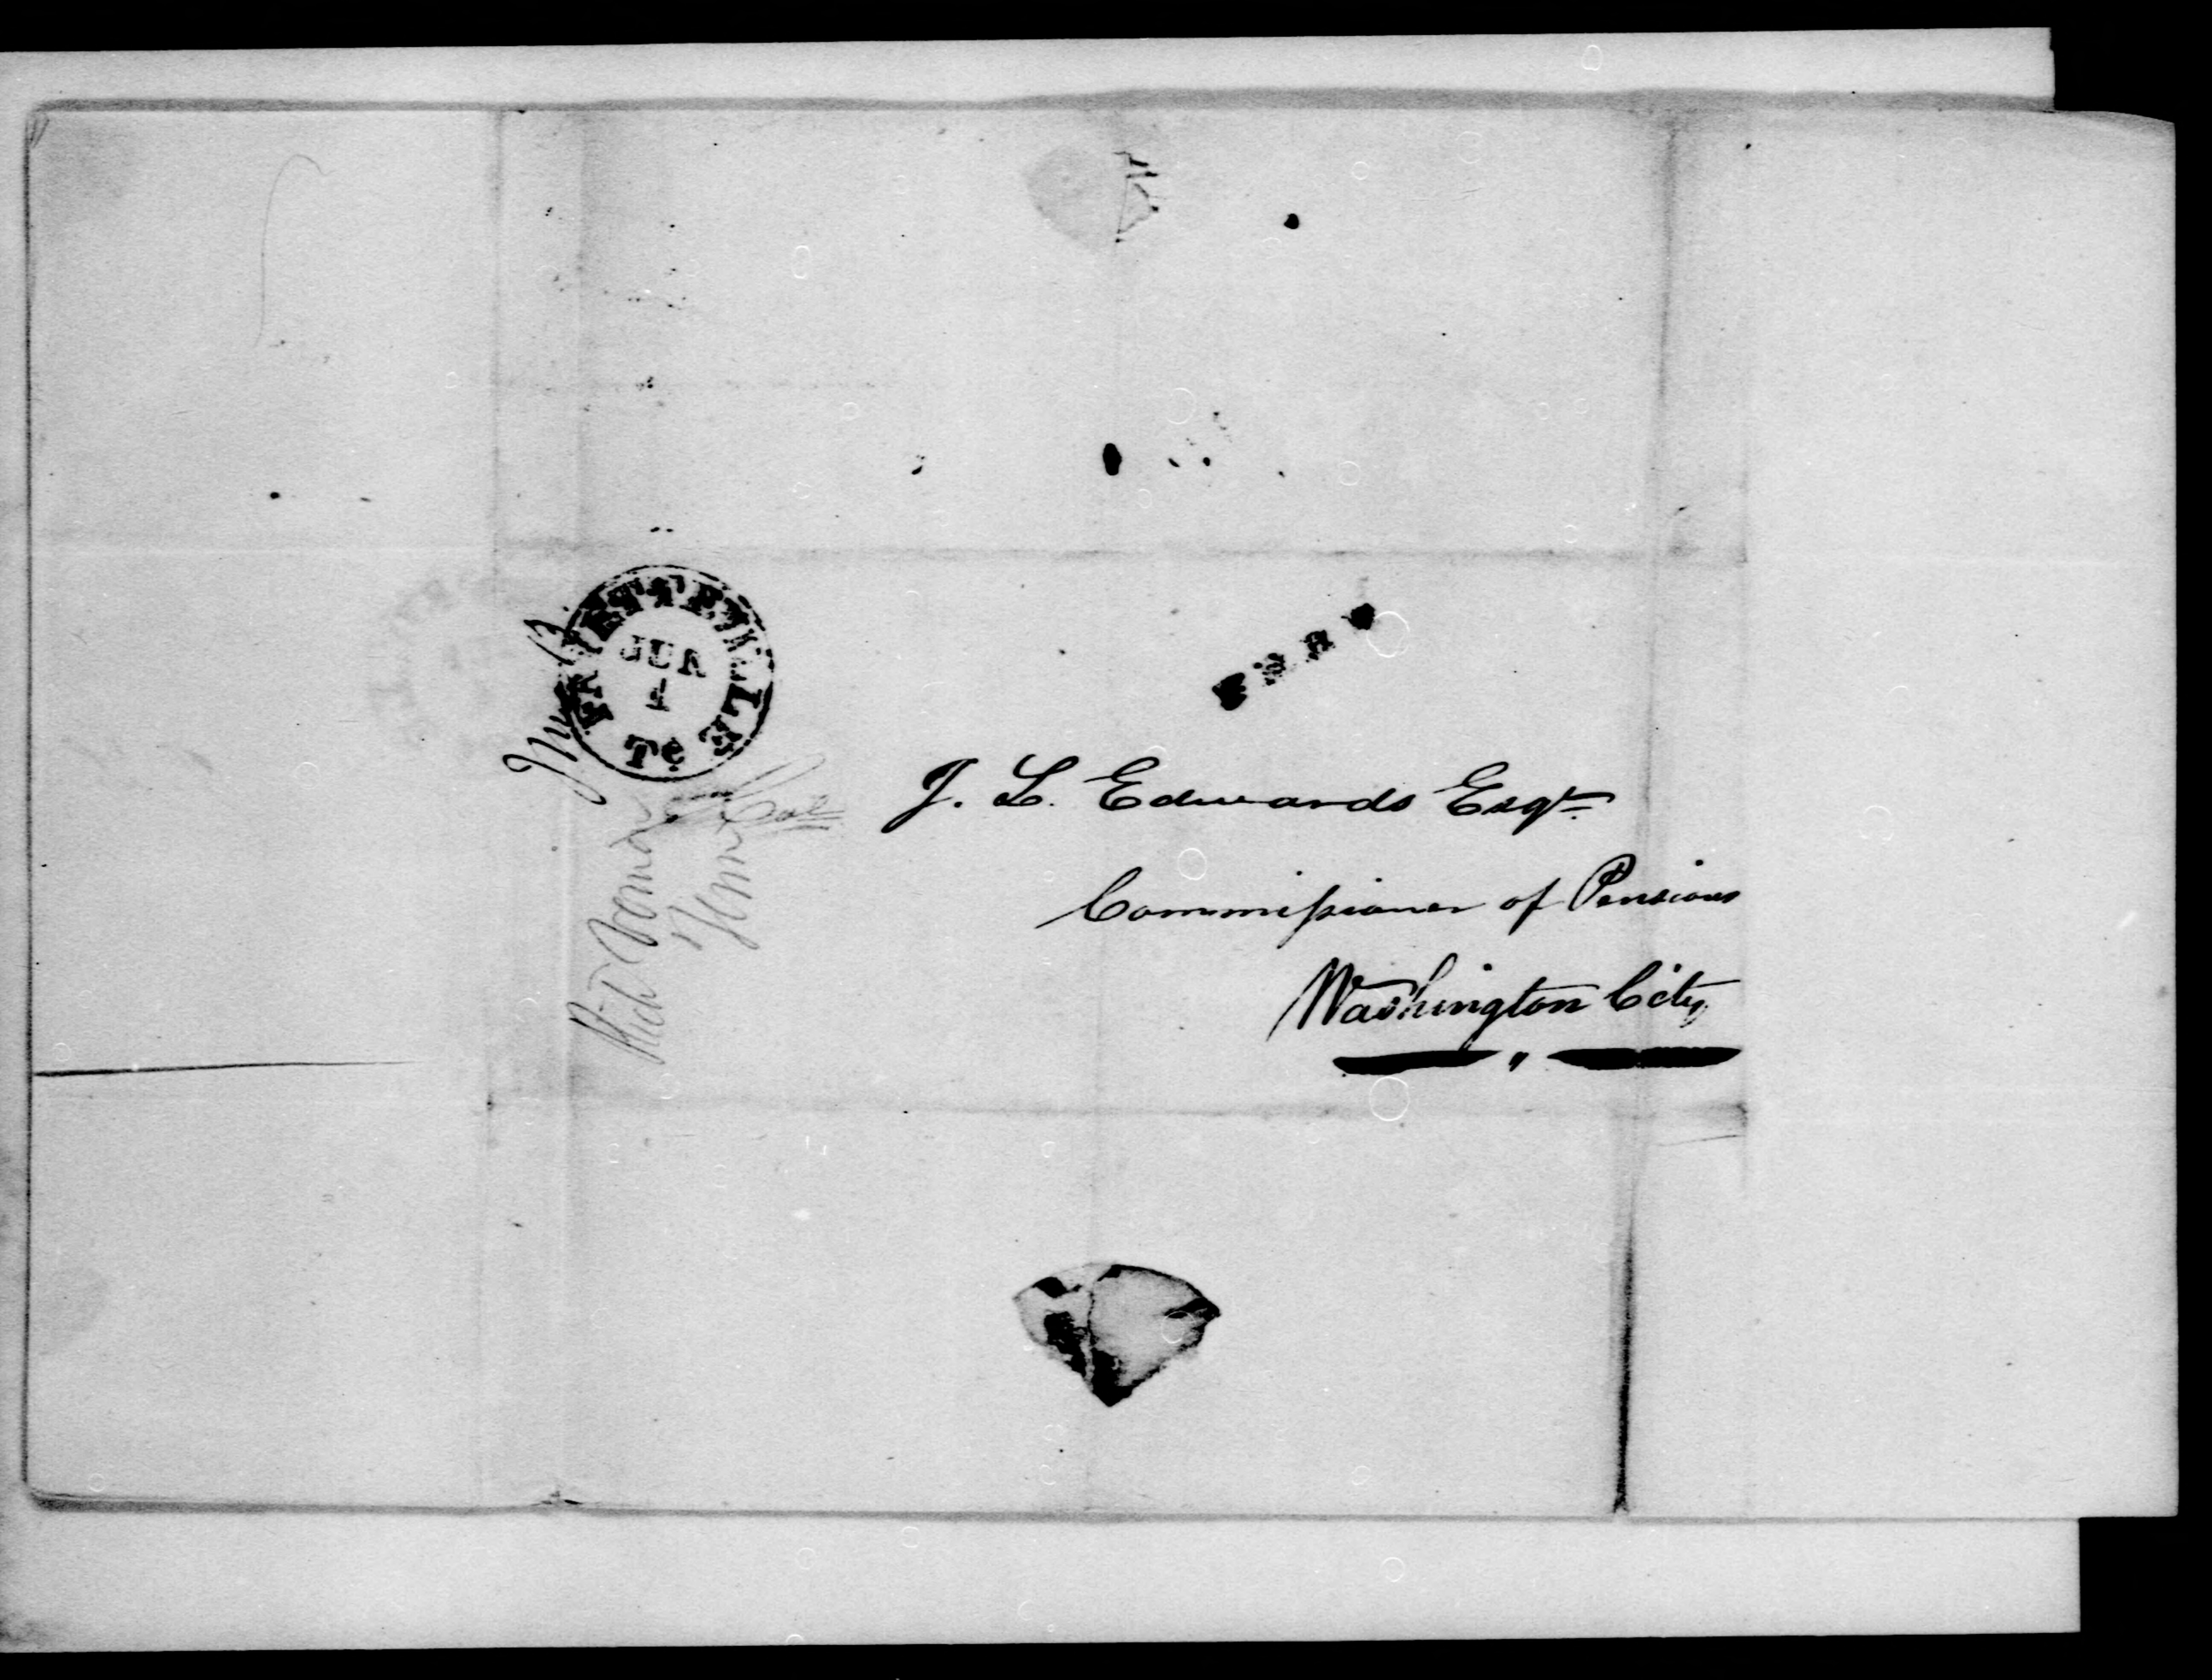Circular stamp: FAYETTEVILLE TN JUN 4
FREE
June 13
Rich Vernon
Tenn
J. L. Edwards Esqr.
Commissioner of Pensions
Washington City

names: Richd Vernon, J L Edwards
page: 61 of 105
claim: survivor's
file: S. 1883, Richard Vernon, N.C.